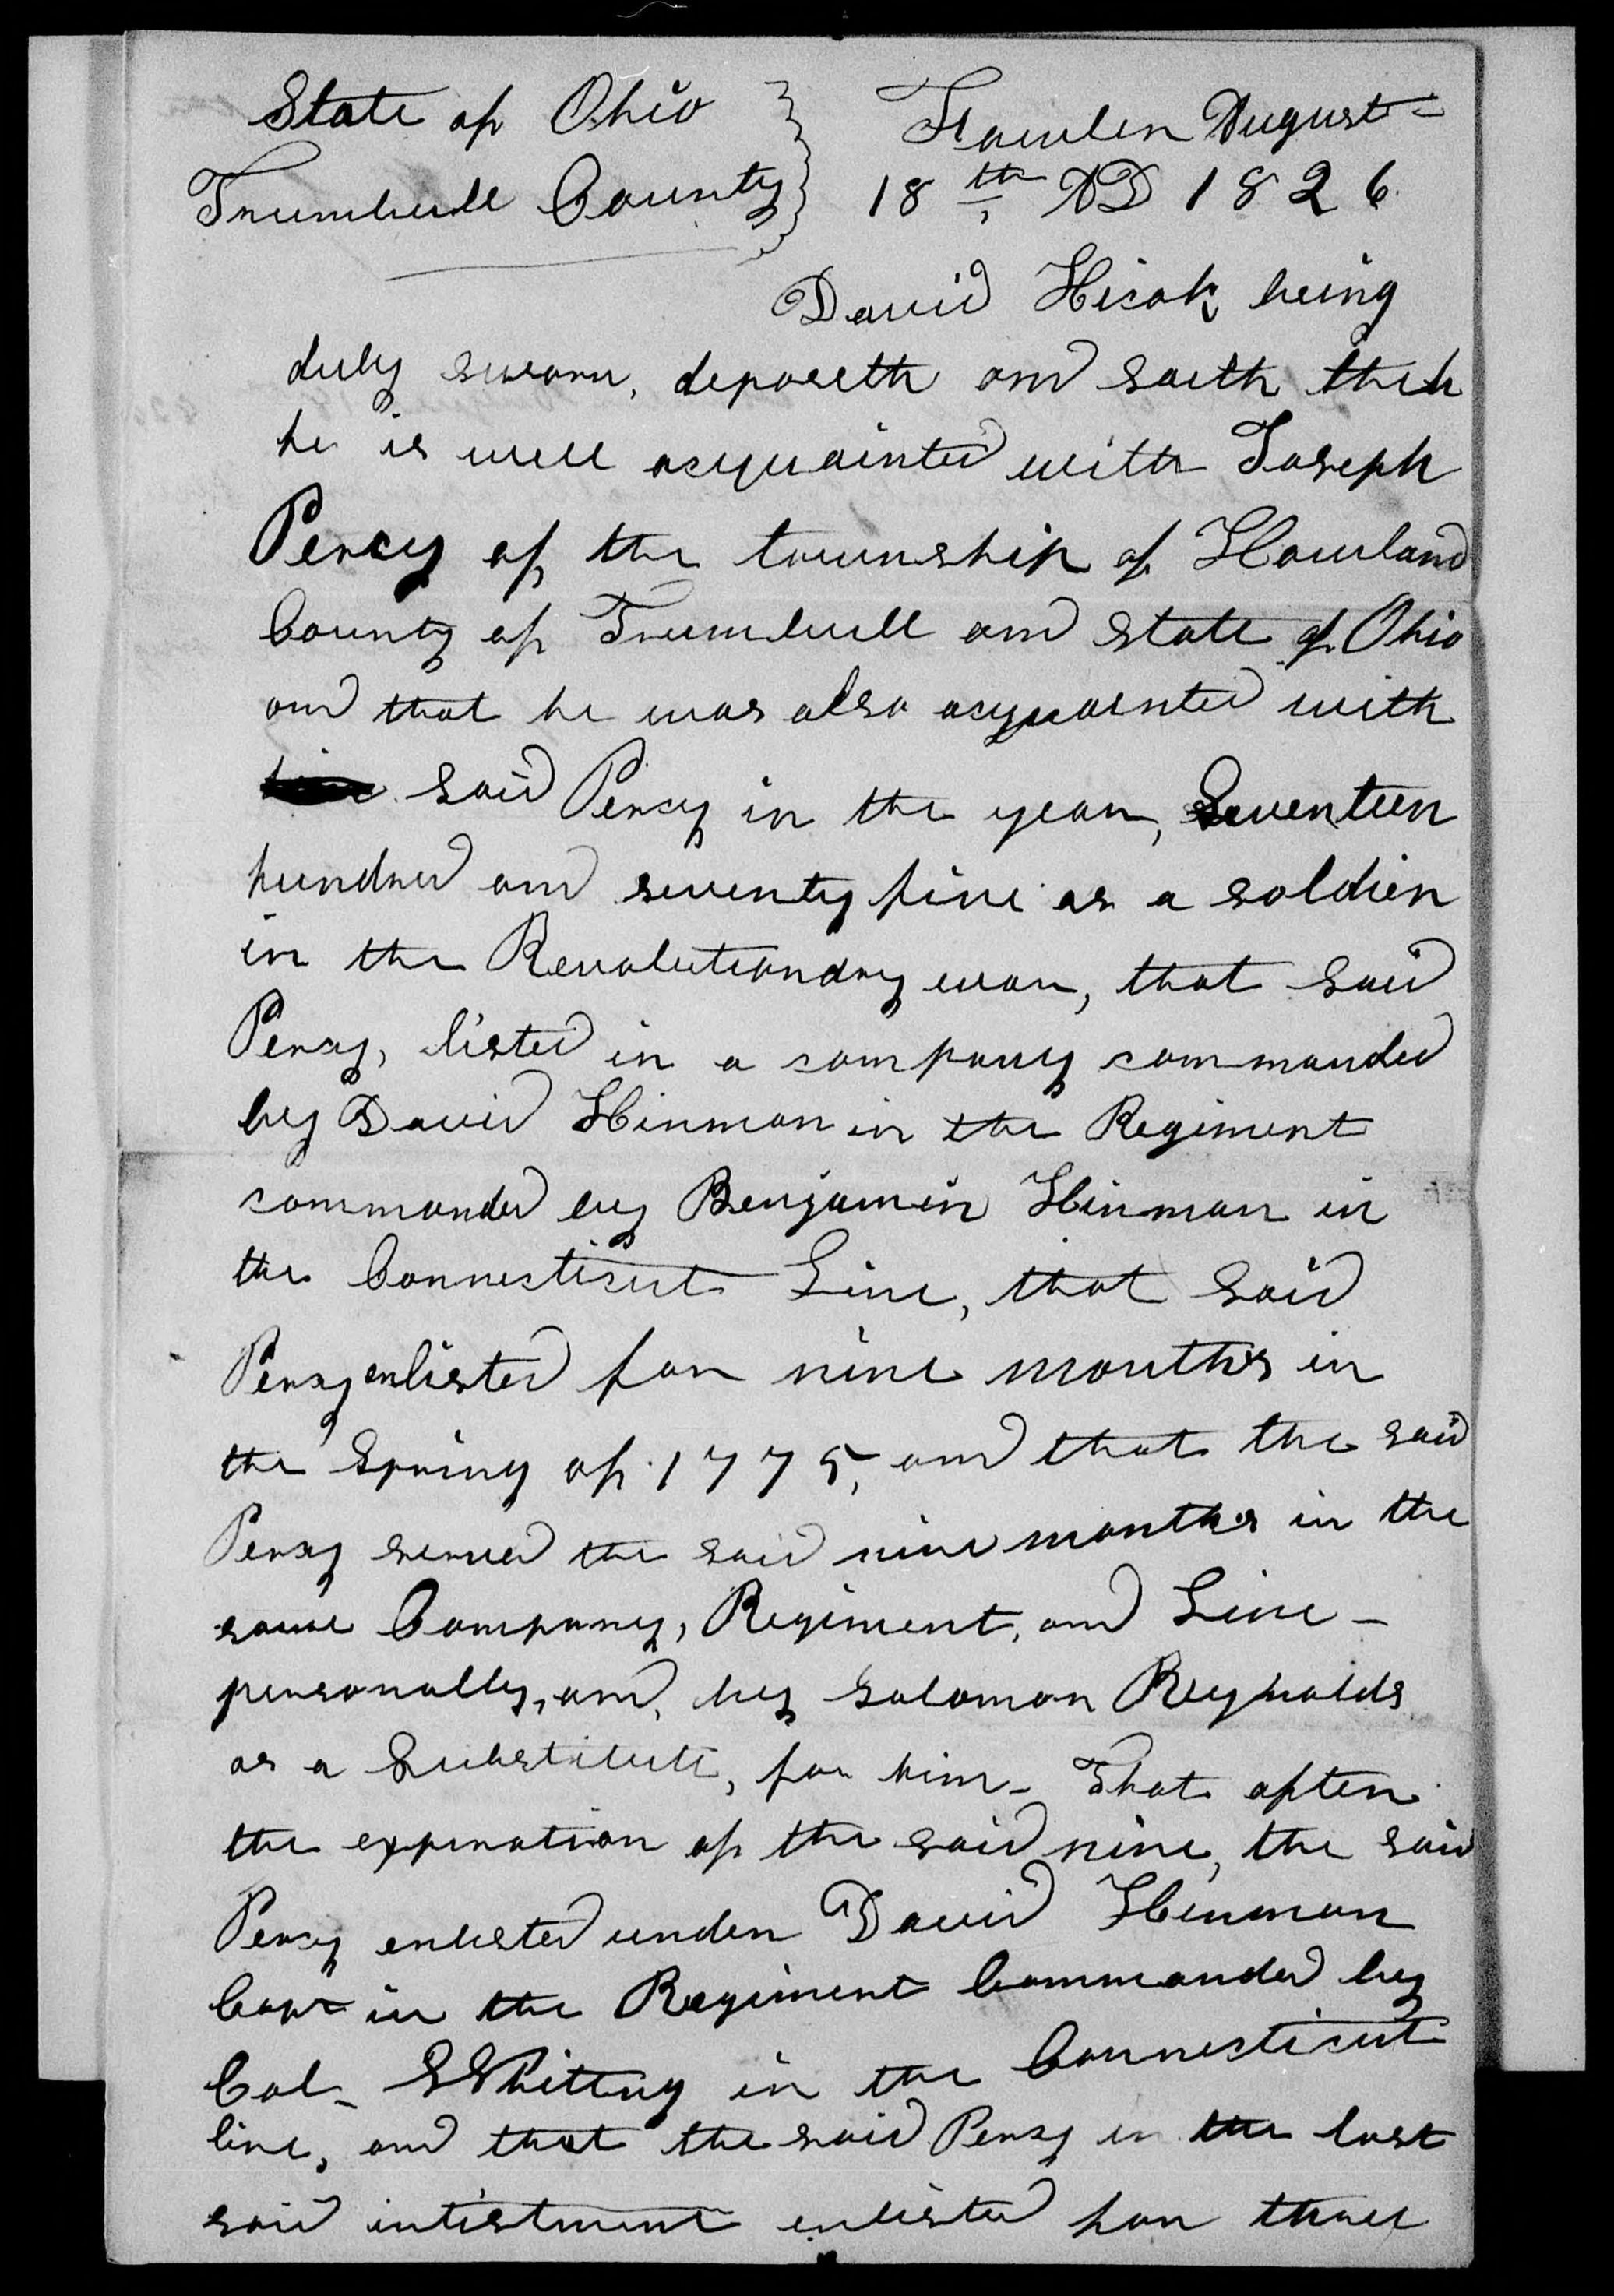State of Ohio       }      Famlen?  August
Trumbull County  }      18th, AD 1826
                           David Hicok being duly sworn, deposeth amd saith that he is well acquainted with Joseph Percy of the township of Howland County of Trumbull and State of Ohio and that he was also acquainted with Said Percy in the year, Seventeen hundred and seventy five as a soldier in the Revolutionary war, that Said Percy, listed in a company commanded by David Hinman in the Regiment commanded by Benjamin Hinman in the Connecticut Line, that Said Percy enlisted for nine months in the Spring of 1775, and that the said Percy served the said nine months in the raised Company, Regiment, and Line - personally, and by Solomon Reynolds as a Substitutt, for him.  That after the expiration of the said nine, the said Percy enlisted under David Hinman Capt in the Regiment commanded by Col. S Whiting in the Connecticut line, and that the said Percy in the last said inlistment enlisted for three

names: David Hinman; Joseph Percy; Solomon Reynolds; David Hicok; Benjamin Hinman; [BLANK] Whiting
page: 10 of 20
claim: rejected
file: R. 17029, for Joseph Percy, Connecticut